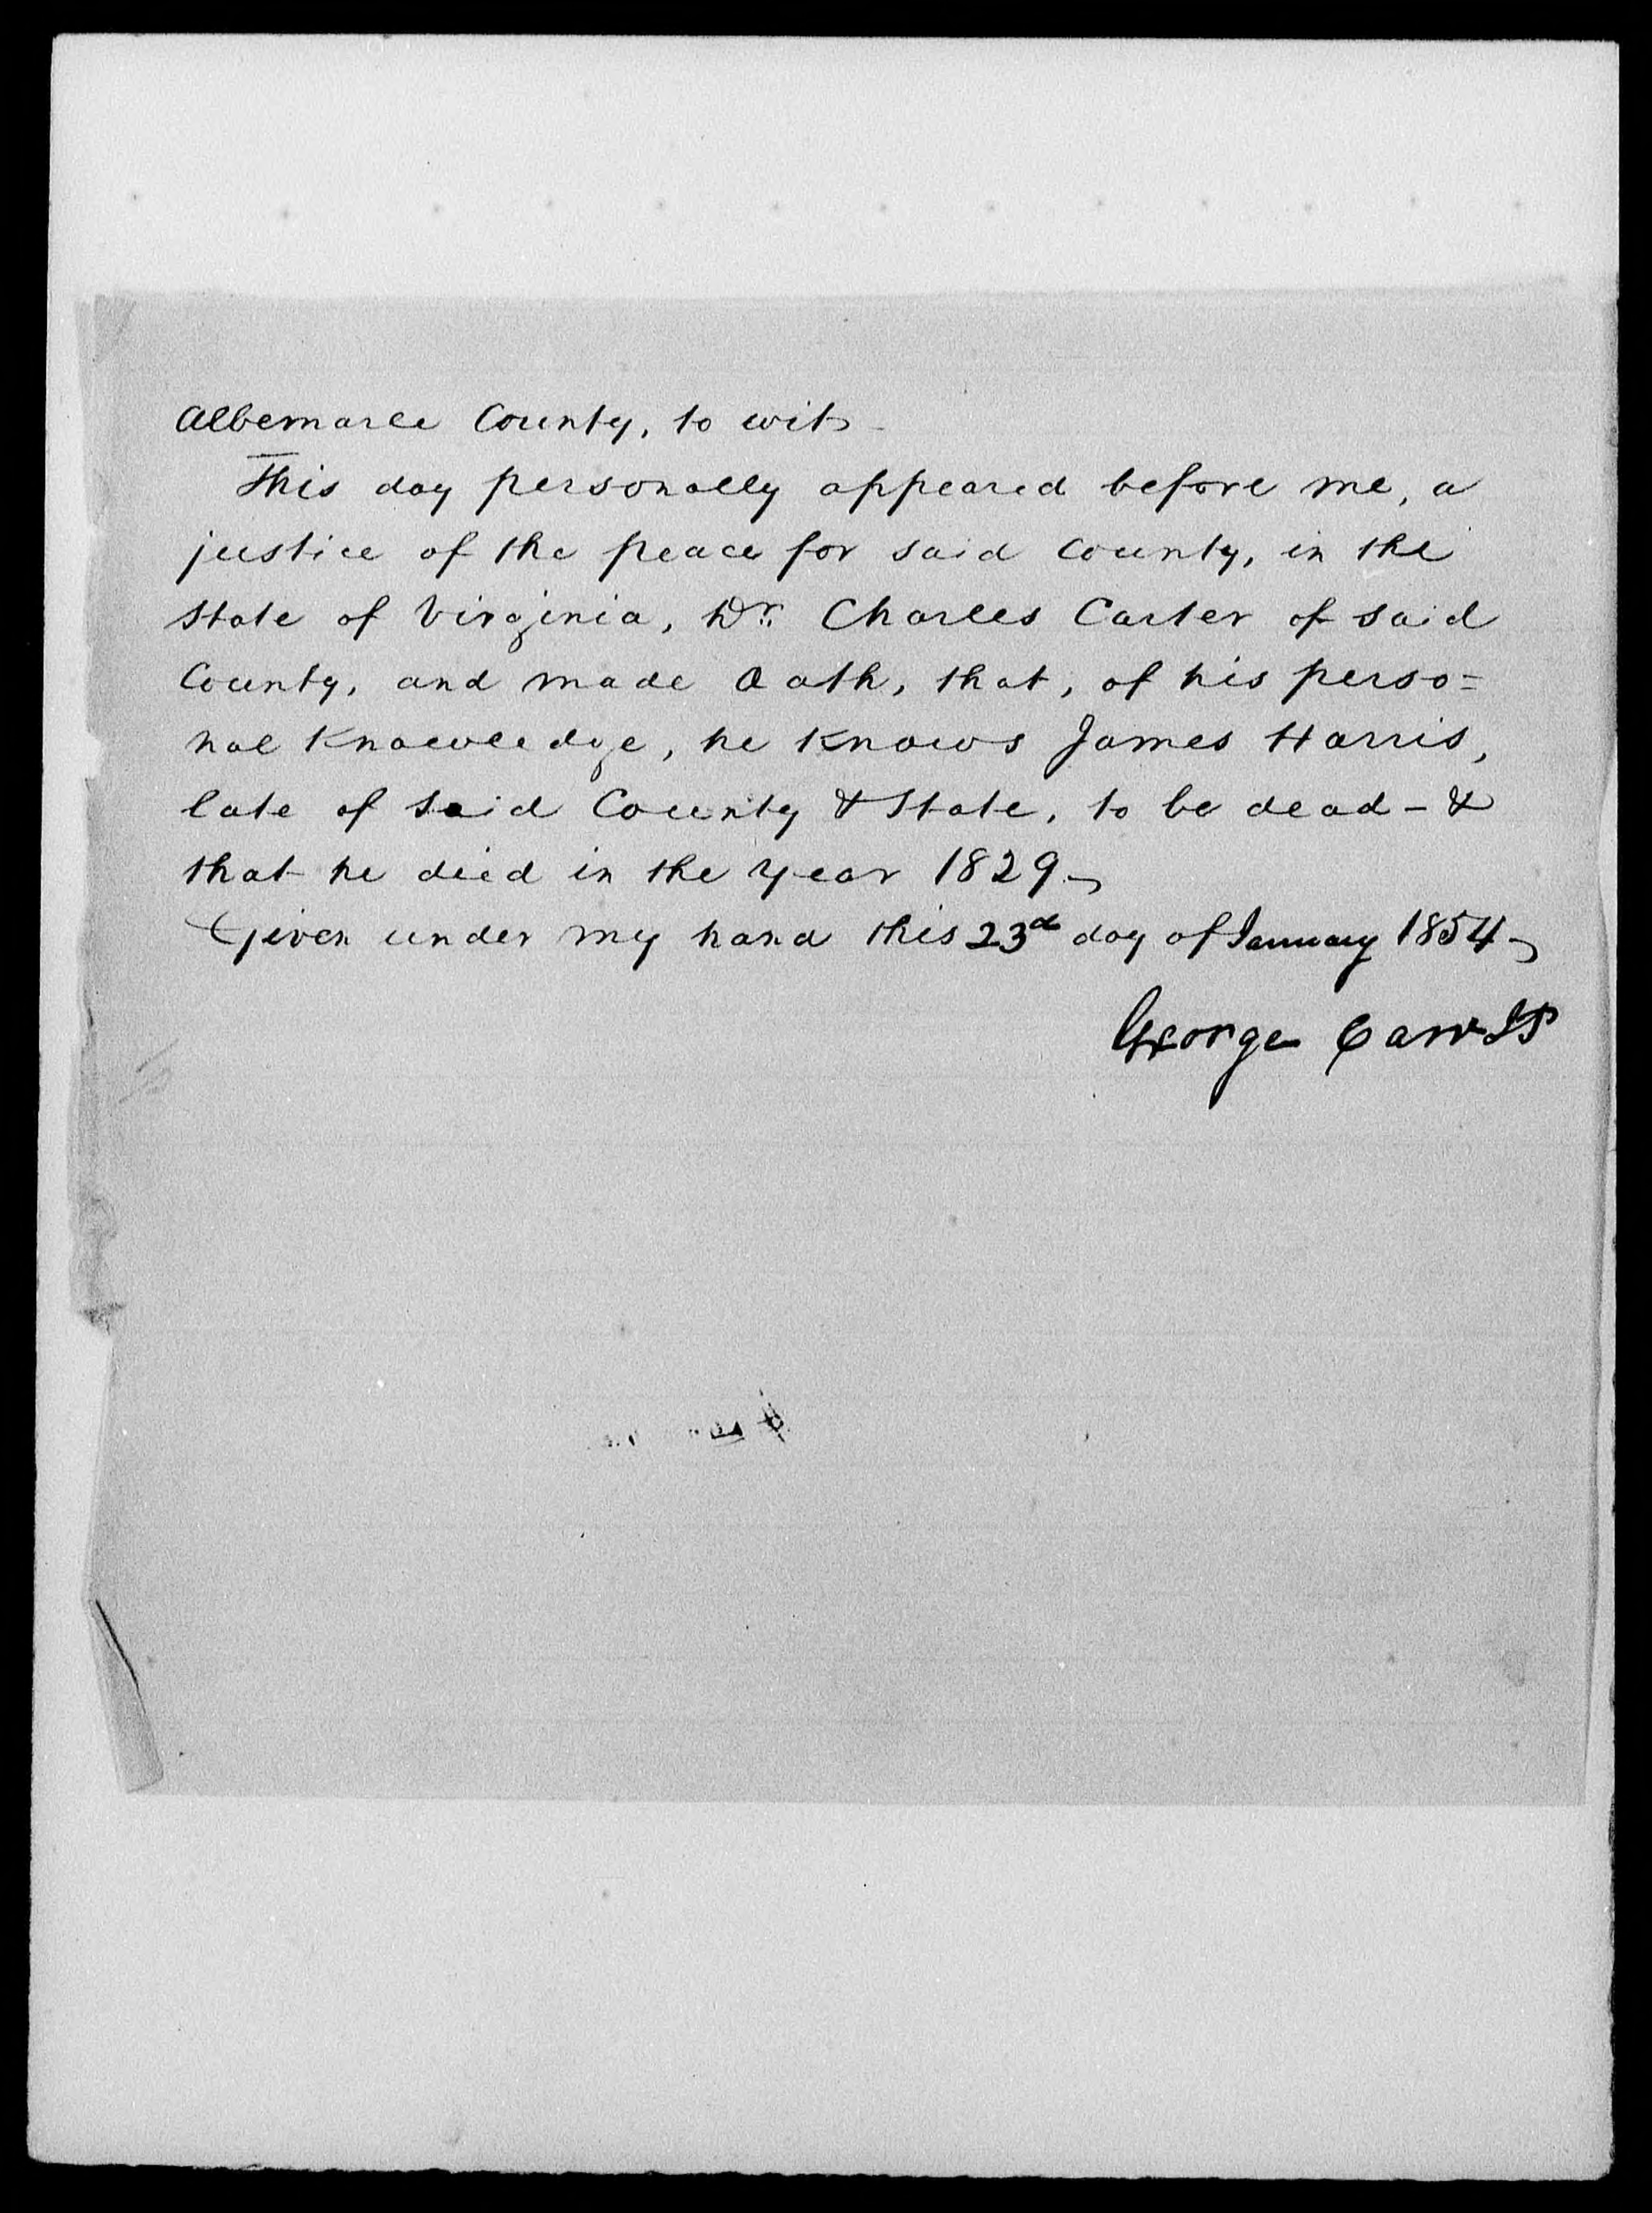Albemarle County, to wit
This day personally appeared before me, a justice of the peace for said county, in the State of Virginia, Dr. Charles Carter of said county, and made Oath, that, of his personal knowledge, he knows James Harris, late of said County & State, to be dead--& that he died in the year 1829--
Given under my hand this 23d day of January 1854
George Carr, JP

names: James Harris, Charles Carter, George Carr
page: 97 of 160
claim: rejected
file: R. 4666, James Harris, Va.